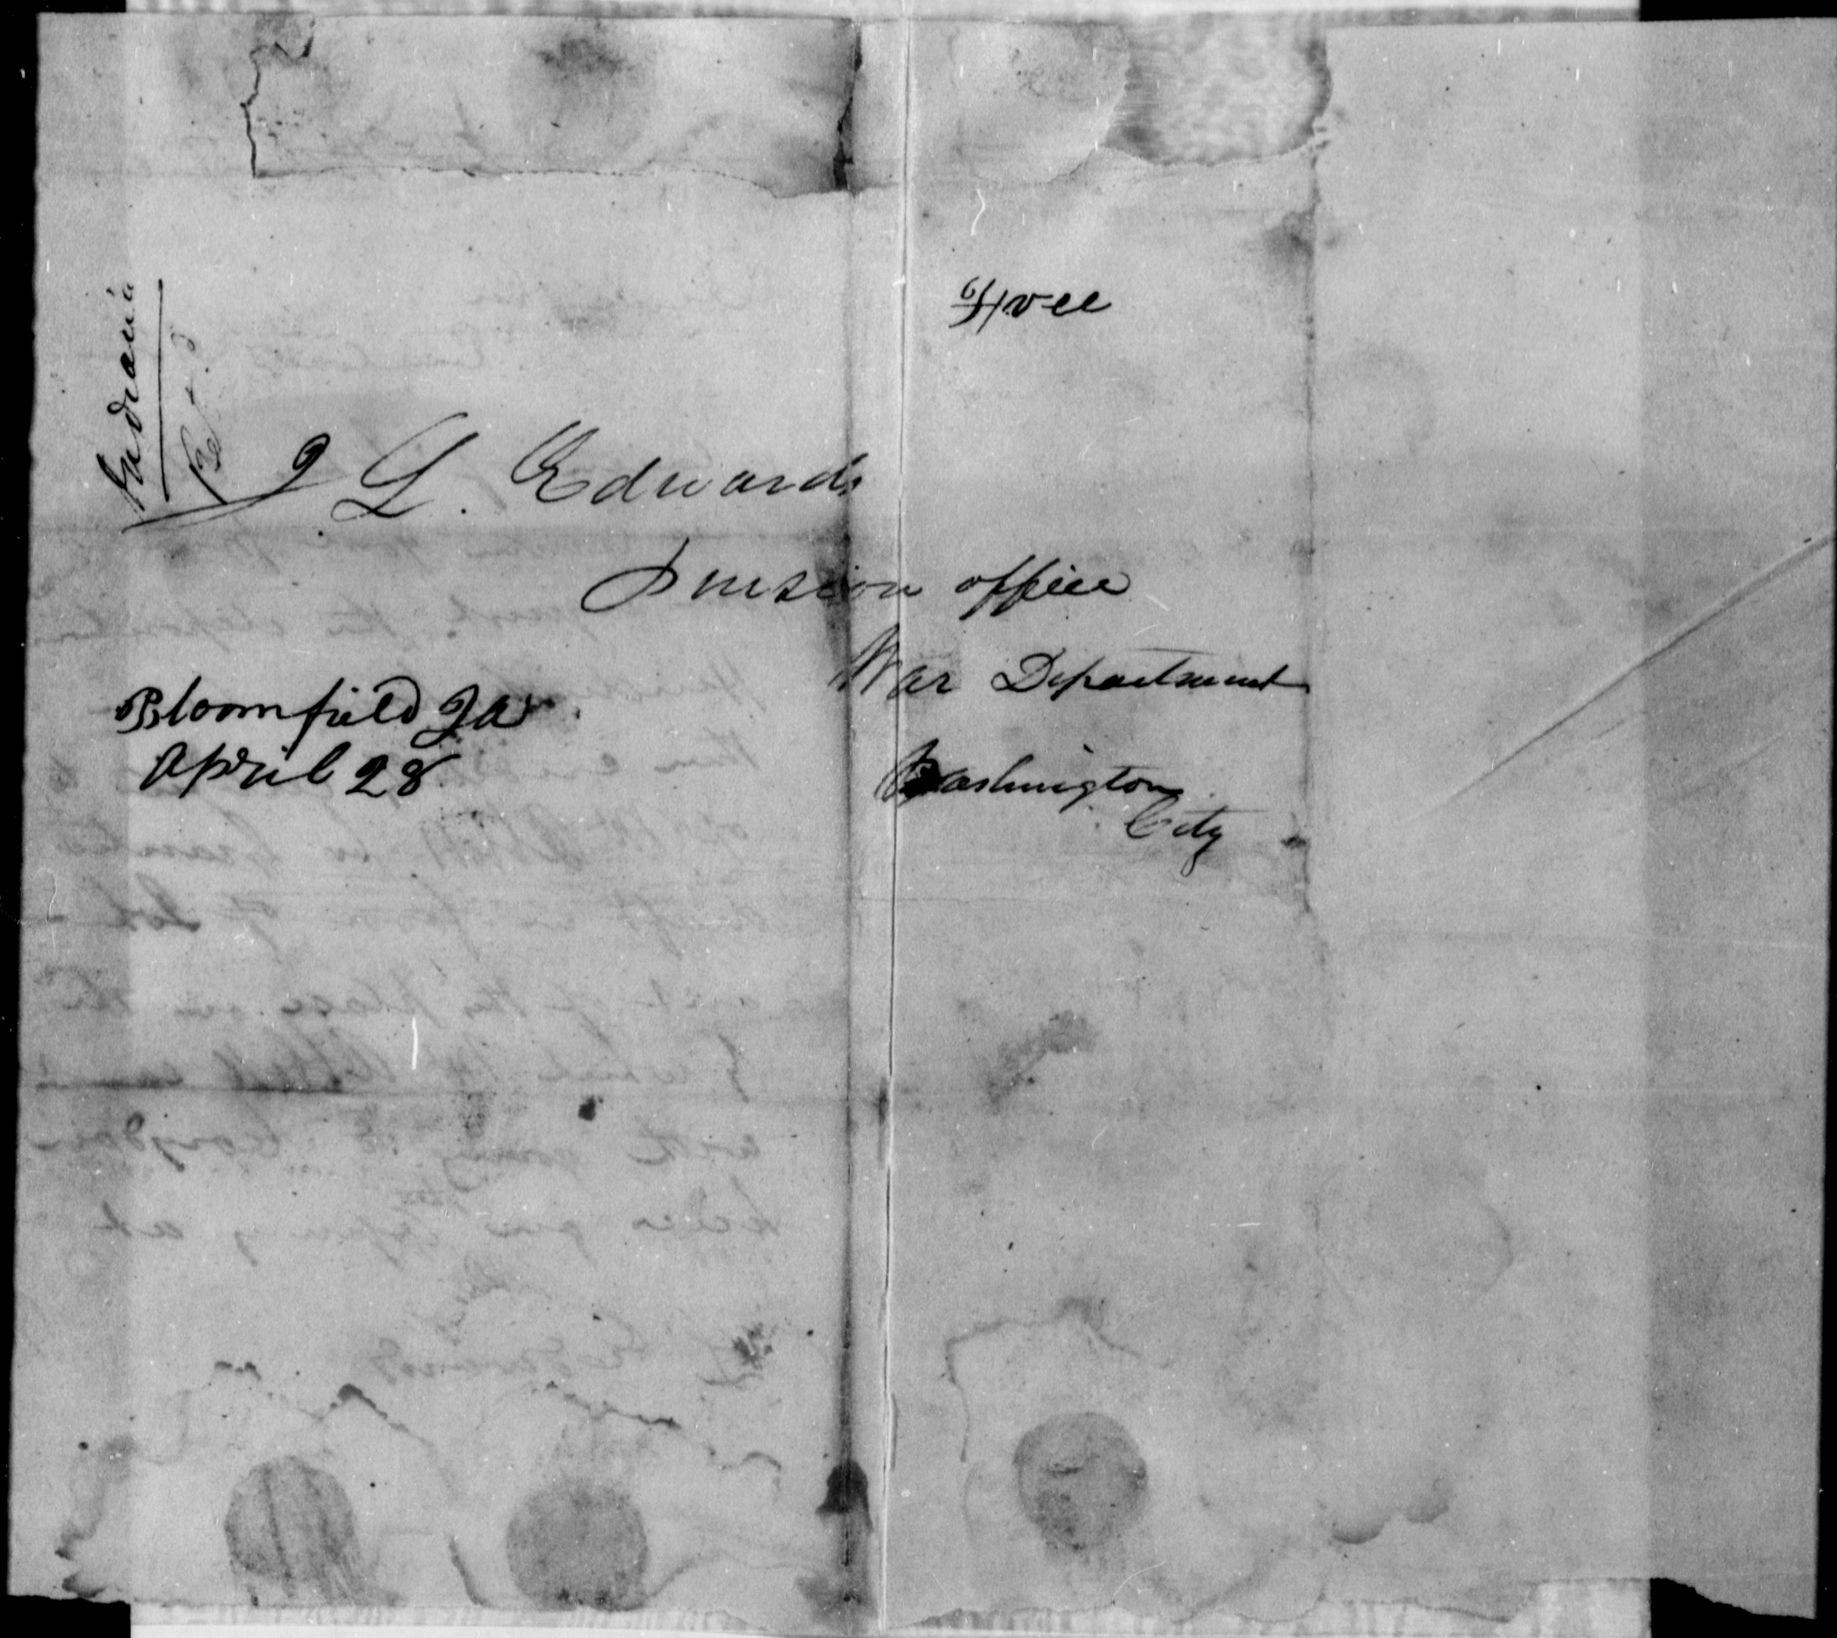Indiana 
J. L. Edward
pension office
War Department
Washington City

Bloomfield, Id. 
April 28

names: J L Edwards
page: 16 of 35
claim: survivor's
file: S. 32089, John Abbott, Continental N. C.